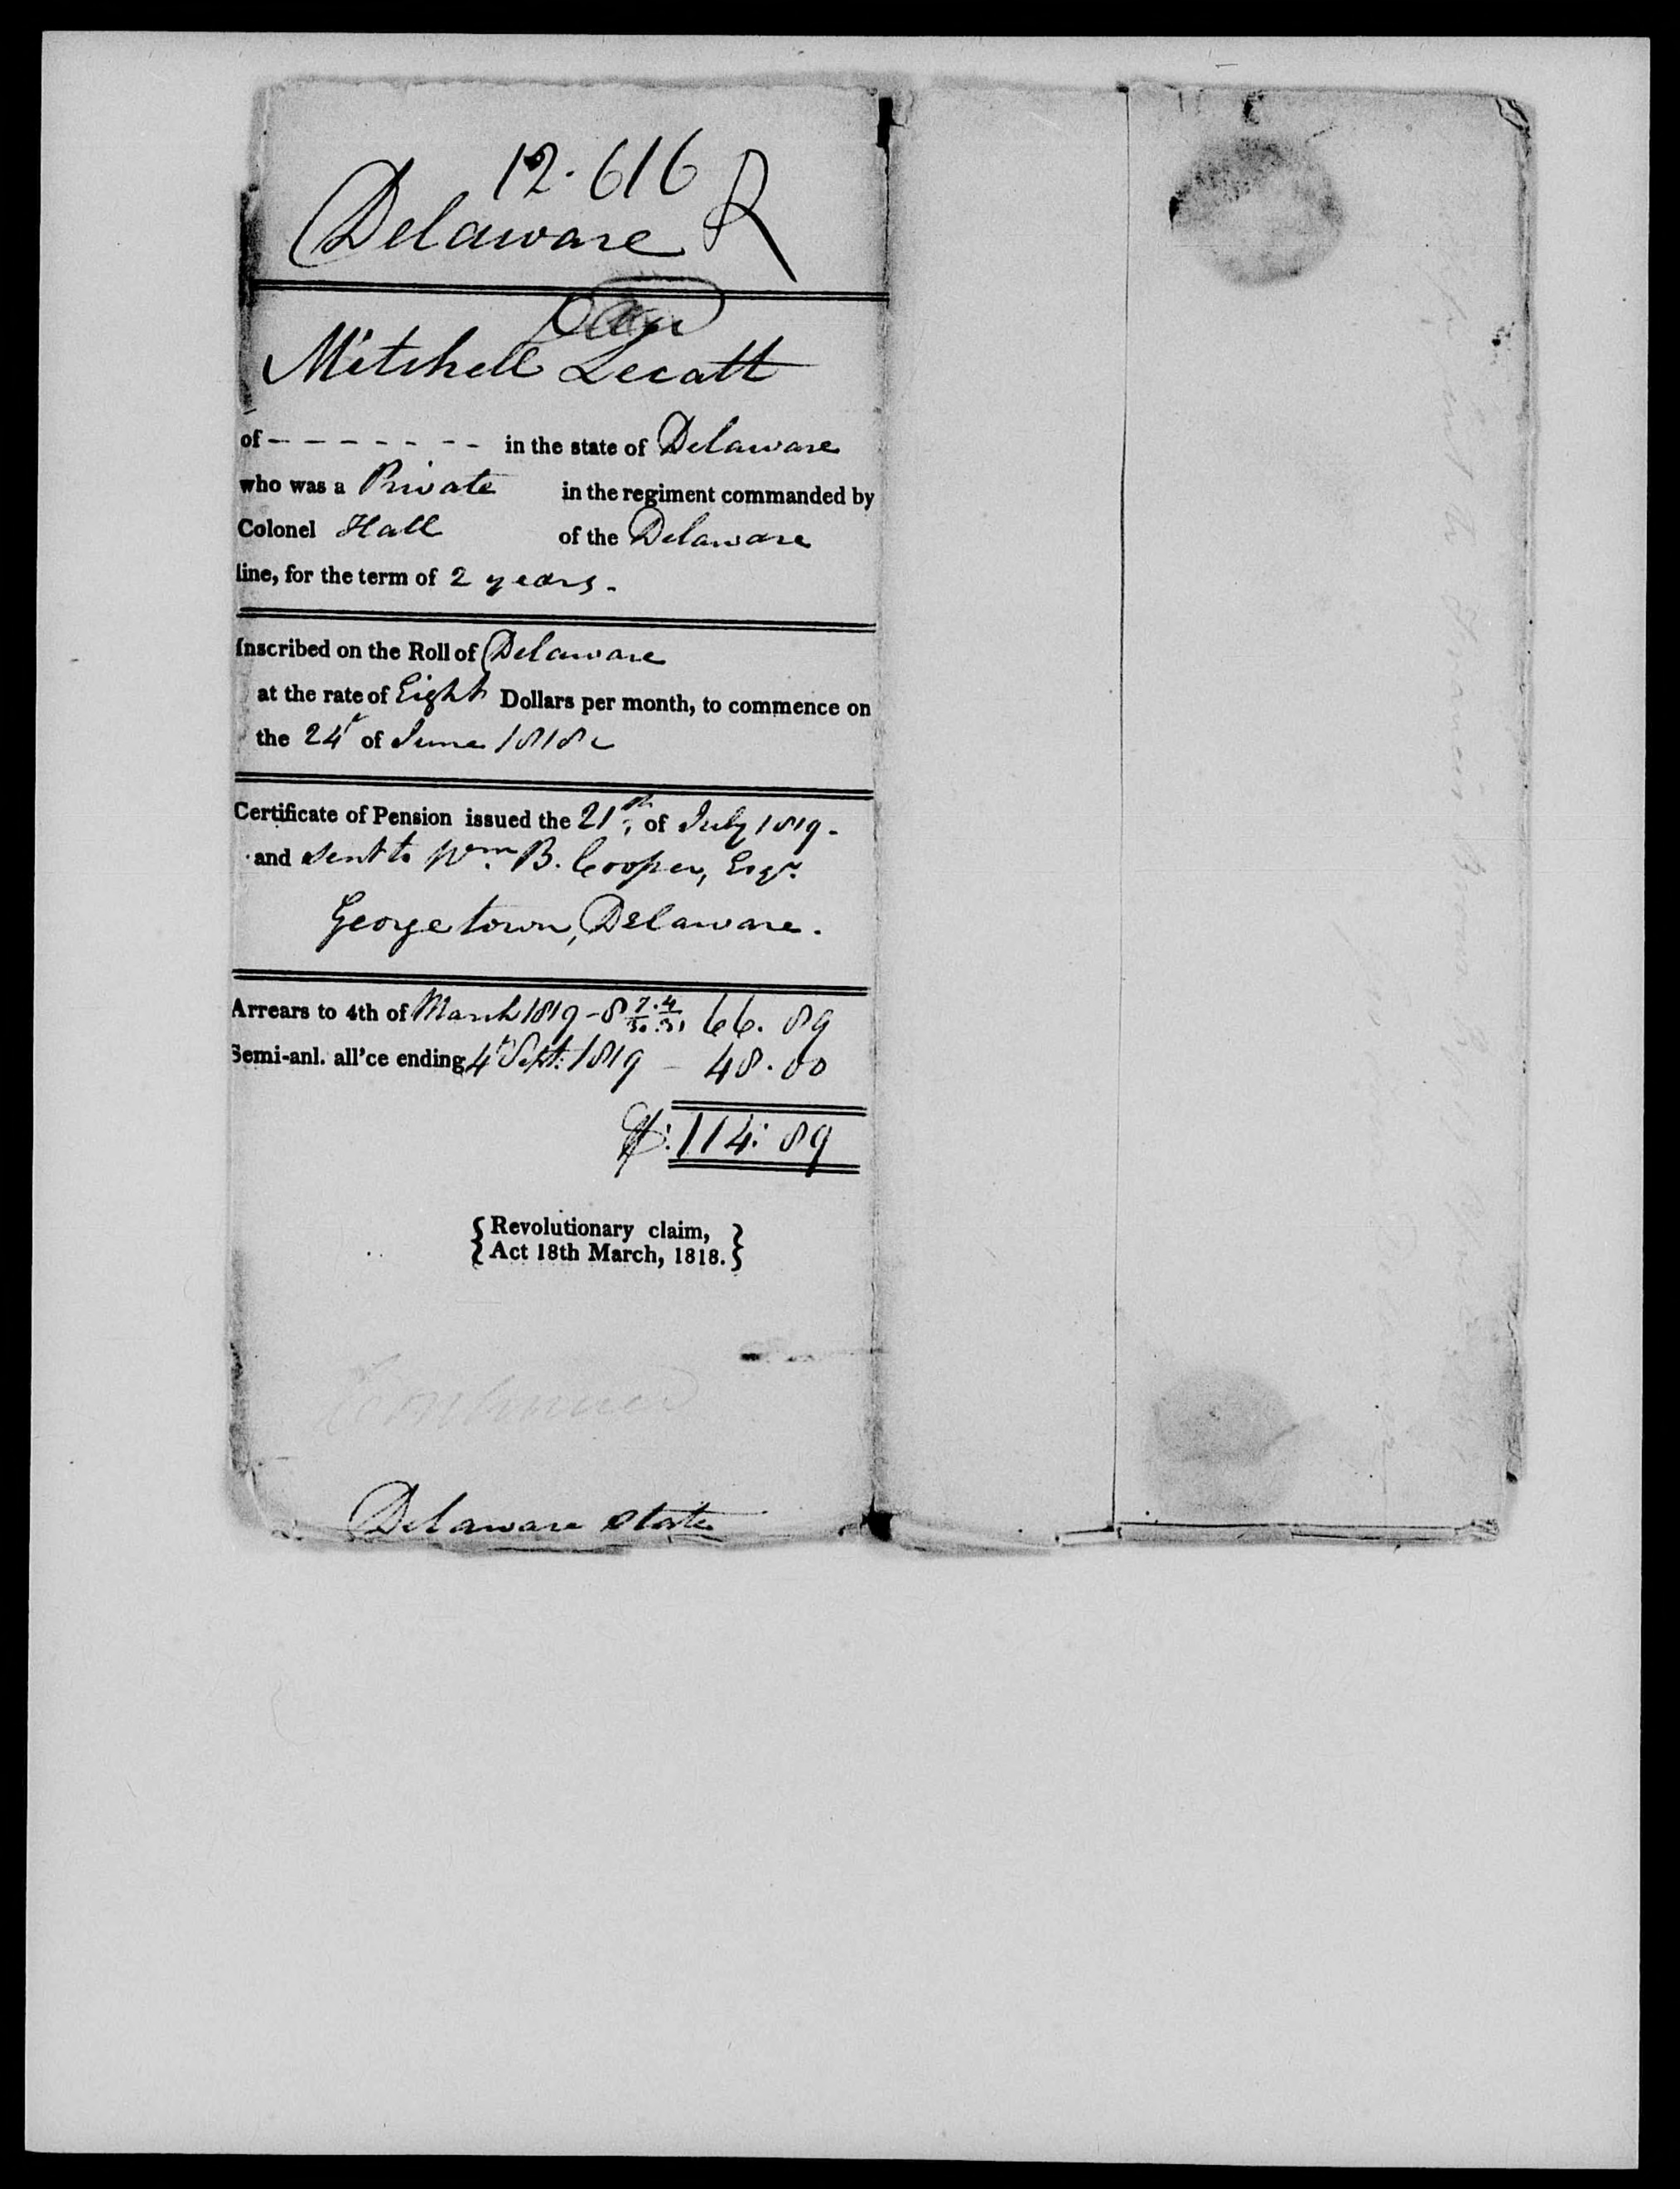12.616
Delaware R
Mitchell Lecatt
of ------- in the state of Delaware who was a Private in the regiment commanded by Colonel Hall of the Delaware line, for the term of 2 years.
Inscribed on the Roll of Delaware at the rate of Eight Dollars per month, to commence on the 24th of June 1818 -
Certificate of Pension issued the 21st of July 1819 - and sent to Wm. B. Cooper, Esqr. Georgetown, Delaware.
Arrears to the 4th of March 1819 - 8 7/20 4/31 66.89
Semi-anl. all'ce ending 4th Sept. 1819 48.00
$114.89
{Revolutionary claim, Act 18th March, 1818.}
Delaware state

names: Mitchell Lecatt; Wm B Cooper; [BLANK] Hall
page: 2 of 12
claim: survivor's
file: S. 36,040, for Mitchell Lecatt, Delaware